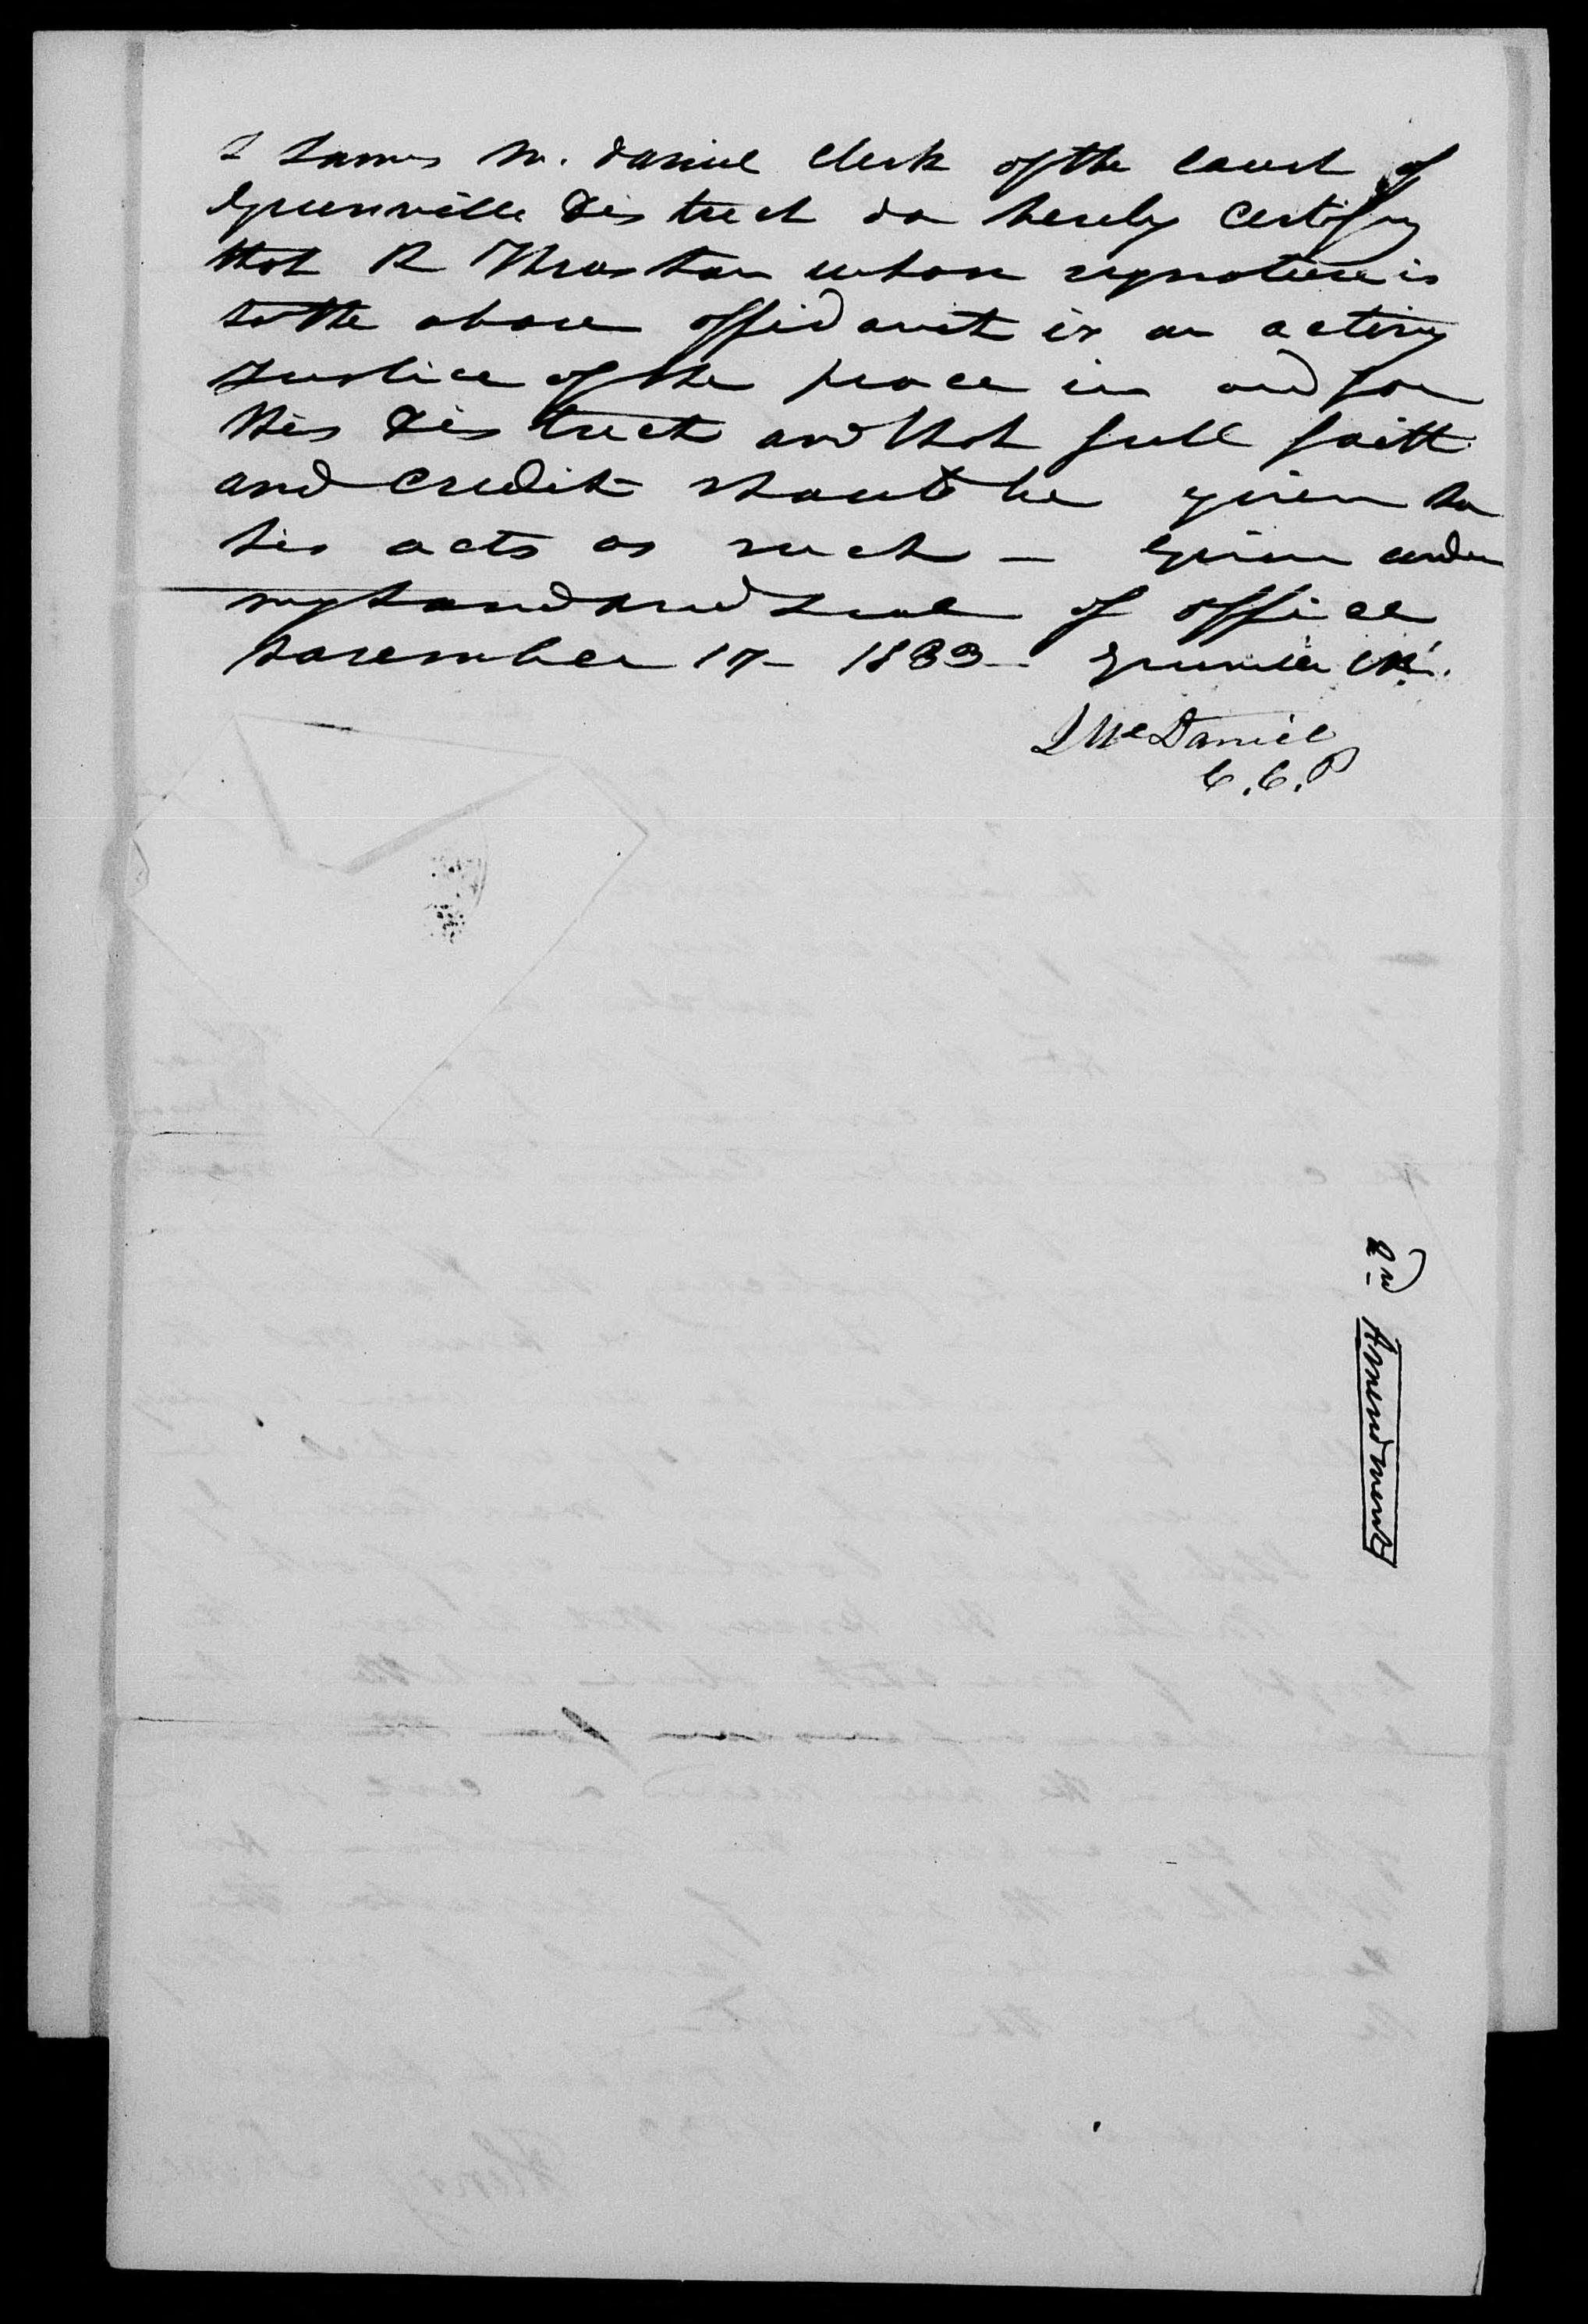I James McDaniel Clerk of the Court of Greenville District do hereby certify that  R  Thruston  whose signature  to the above affidavit is an acting Justice of the peace in and for  this District and that full faith and credit  should be given to his acts as such - Given under my hand and seal of office  November 17 - 1833 . Greenville CH  J McDaniel ( signed /sealed ) C.C.P.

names: James Mc Daniel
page: 21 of 23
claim: survivor's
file: S. 18,168, for Henry Prince, South Carolina